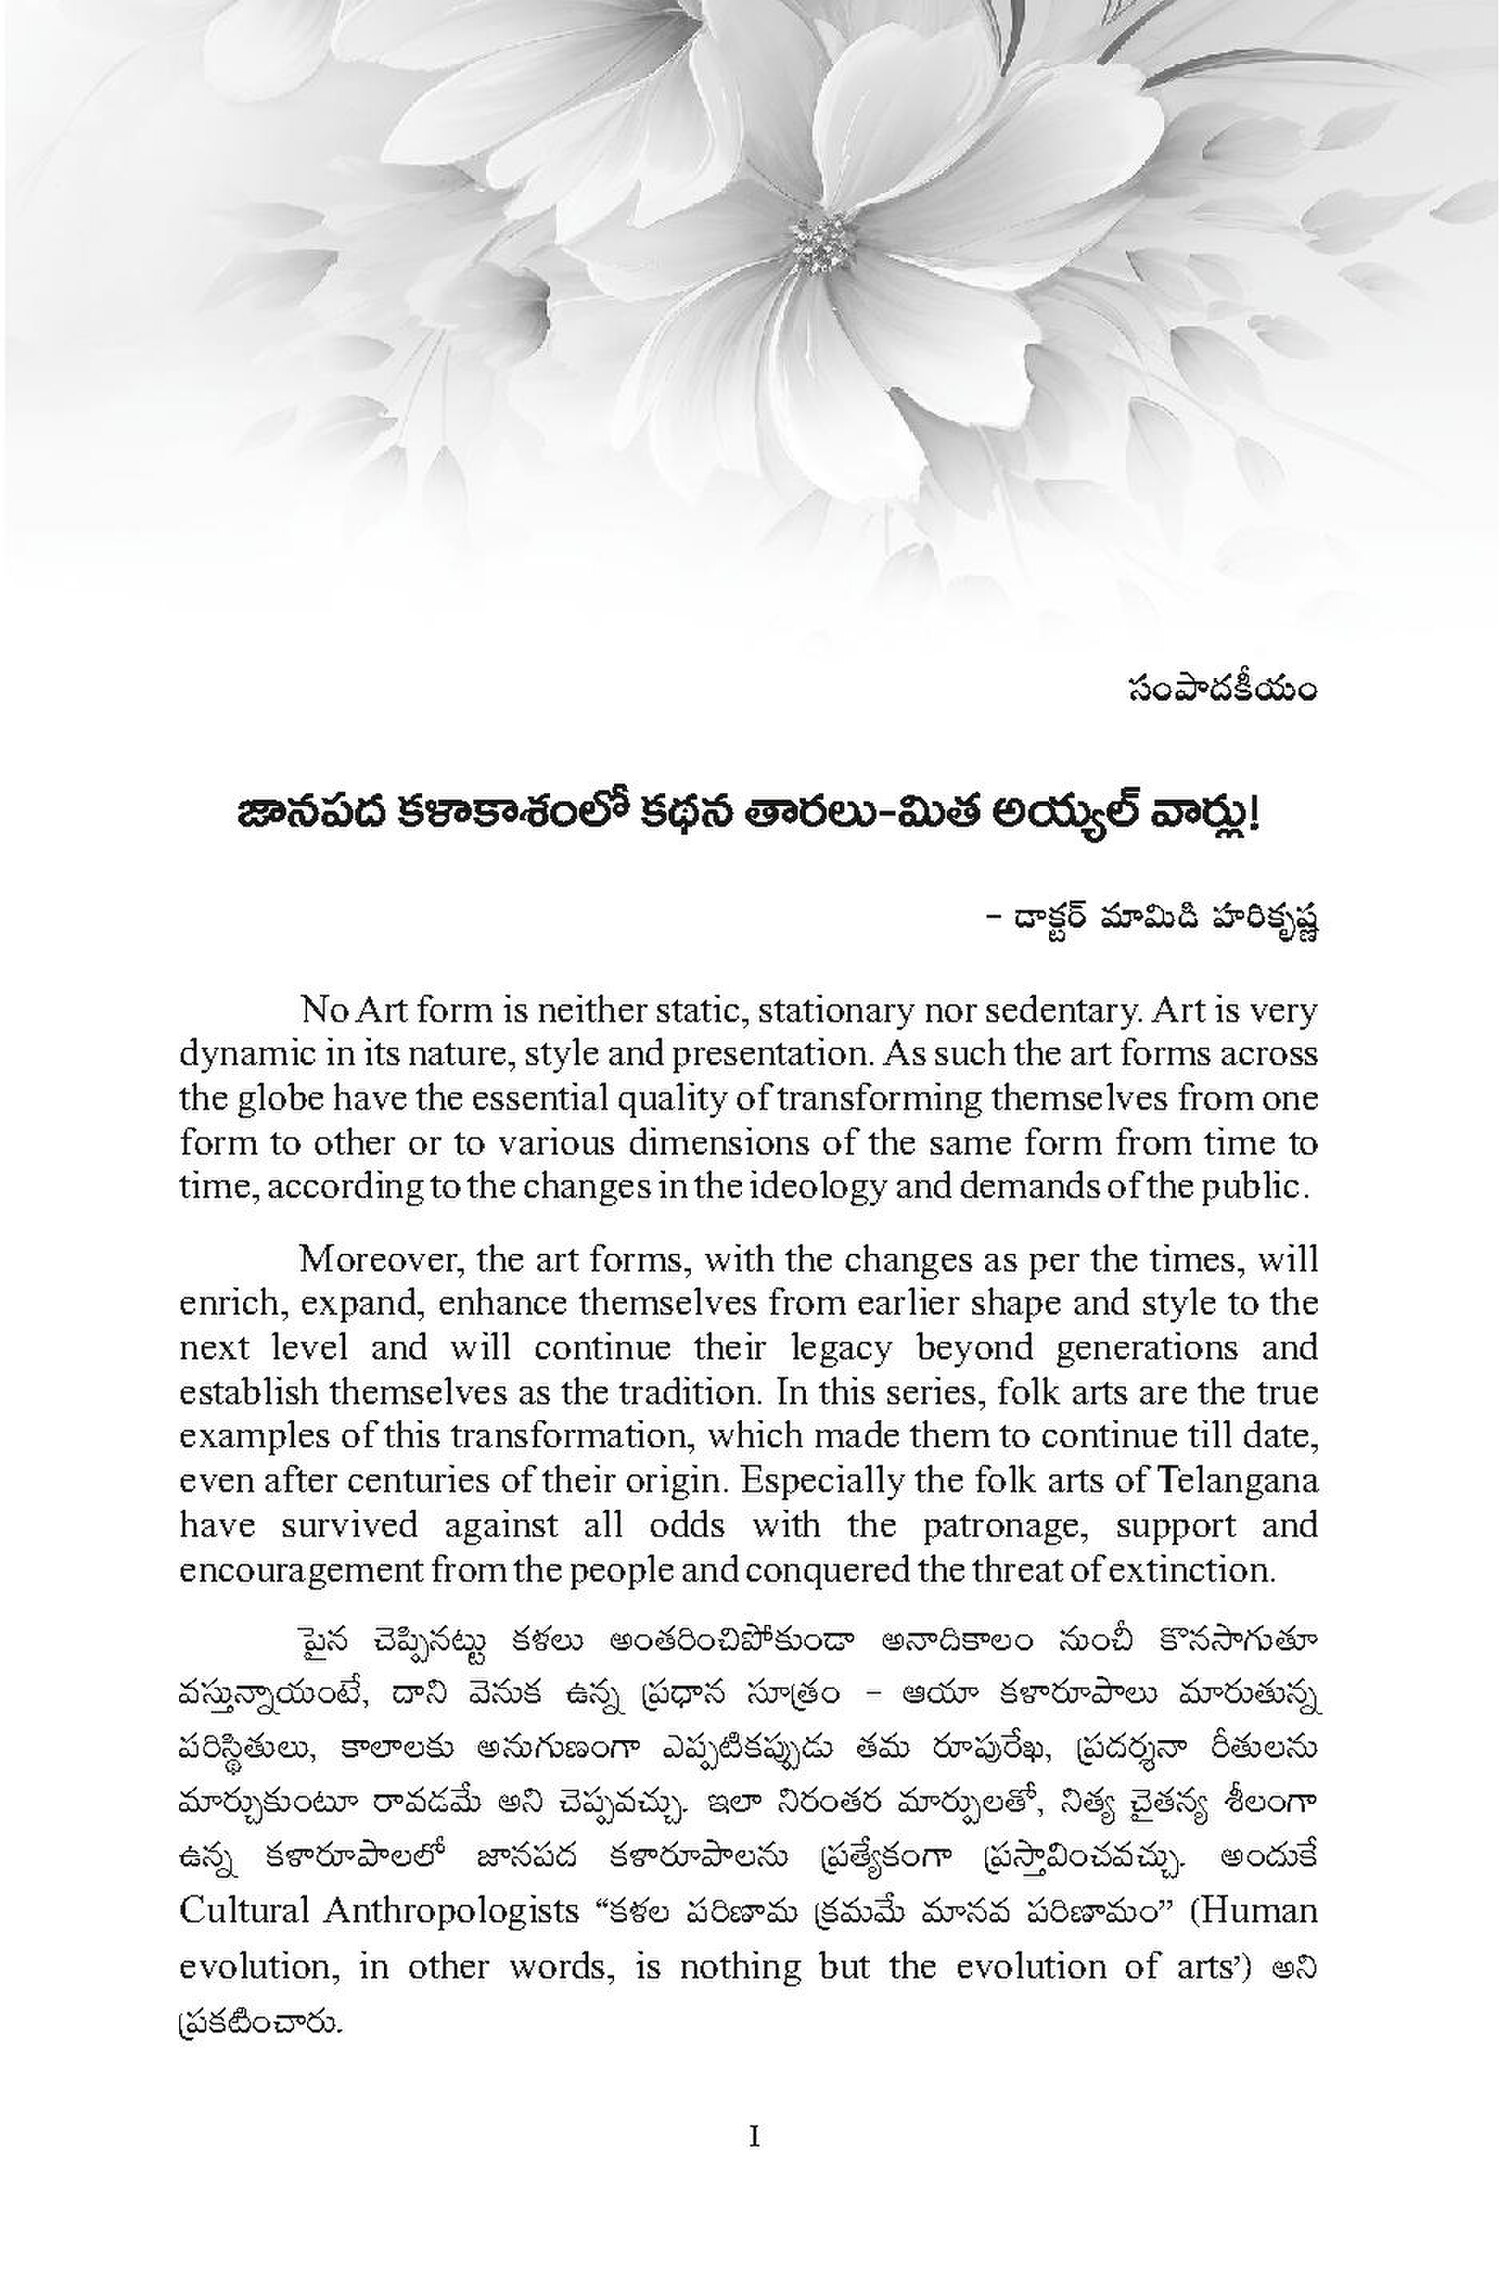No Art form is neither static, stationary nor sedentary. Art is very dynamic in its nature, style and presentation. As such the art forms across the globe have the essential quality of transforming themselves from one form to other or to various dimensions of the same form from time to time, according to the changes in the ideology and demands of the public.

Moreover, the art forms, with the changes as per the times, will enrich, expand, enhance themselves from earlier shape and style to the next level and will continue their legacy beyond generations and
establish themselves as the tradition. In this series, folk arts are the true examples of this transformation, which made them to continue till date, even after centuries of their origin. Especially the folk arts of Telangana have survived against all odds with the patronage, support and
encouragement from the people and conquered the threat of extinction.
-
పైన చెప్పినట్టు కళలు అంతరించి పోకుండా అనాదికాలం నుంచీ కొనసాగుతూ వస్తున్నాయంటే, దాని వెనుక ఉన్న ప్రధాన సూత్రం ఆయా కళారూపాలు మారుతున్న పరిస్థితులు, కాలాలకు అనుగుణంగా ఎప్పటికప్పుడు తమ రూపురేఖ, ప్రదర్శనా రీతులను మార్చుకుంటూ రావడమే అని చెప్పవచ్చు. ఇలా నిరంతర మార్పులతో, నిత్య చైతన్య శీలంగా ఉన్న కళారూపాలలో జానపద కళారూపాలను ప్రత్యేకంగా ప్రస్తావించవచ్చు. అందుకే Cultural Anthropologists "కళల పరిణామ క్రమమే మానవ పరిణామం" (Human evolution, in other words, is nothing but the evolution of arts') అని ప్రకటించారు.